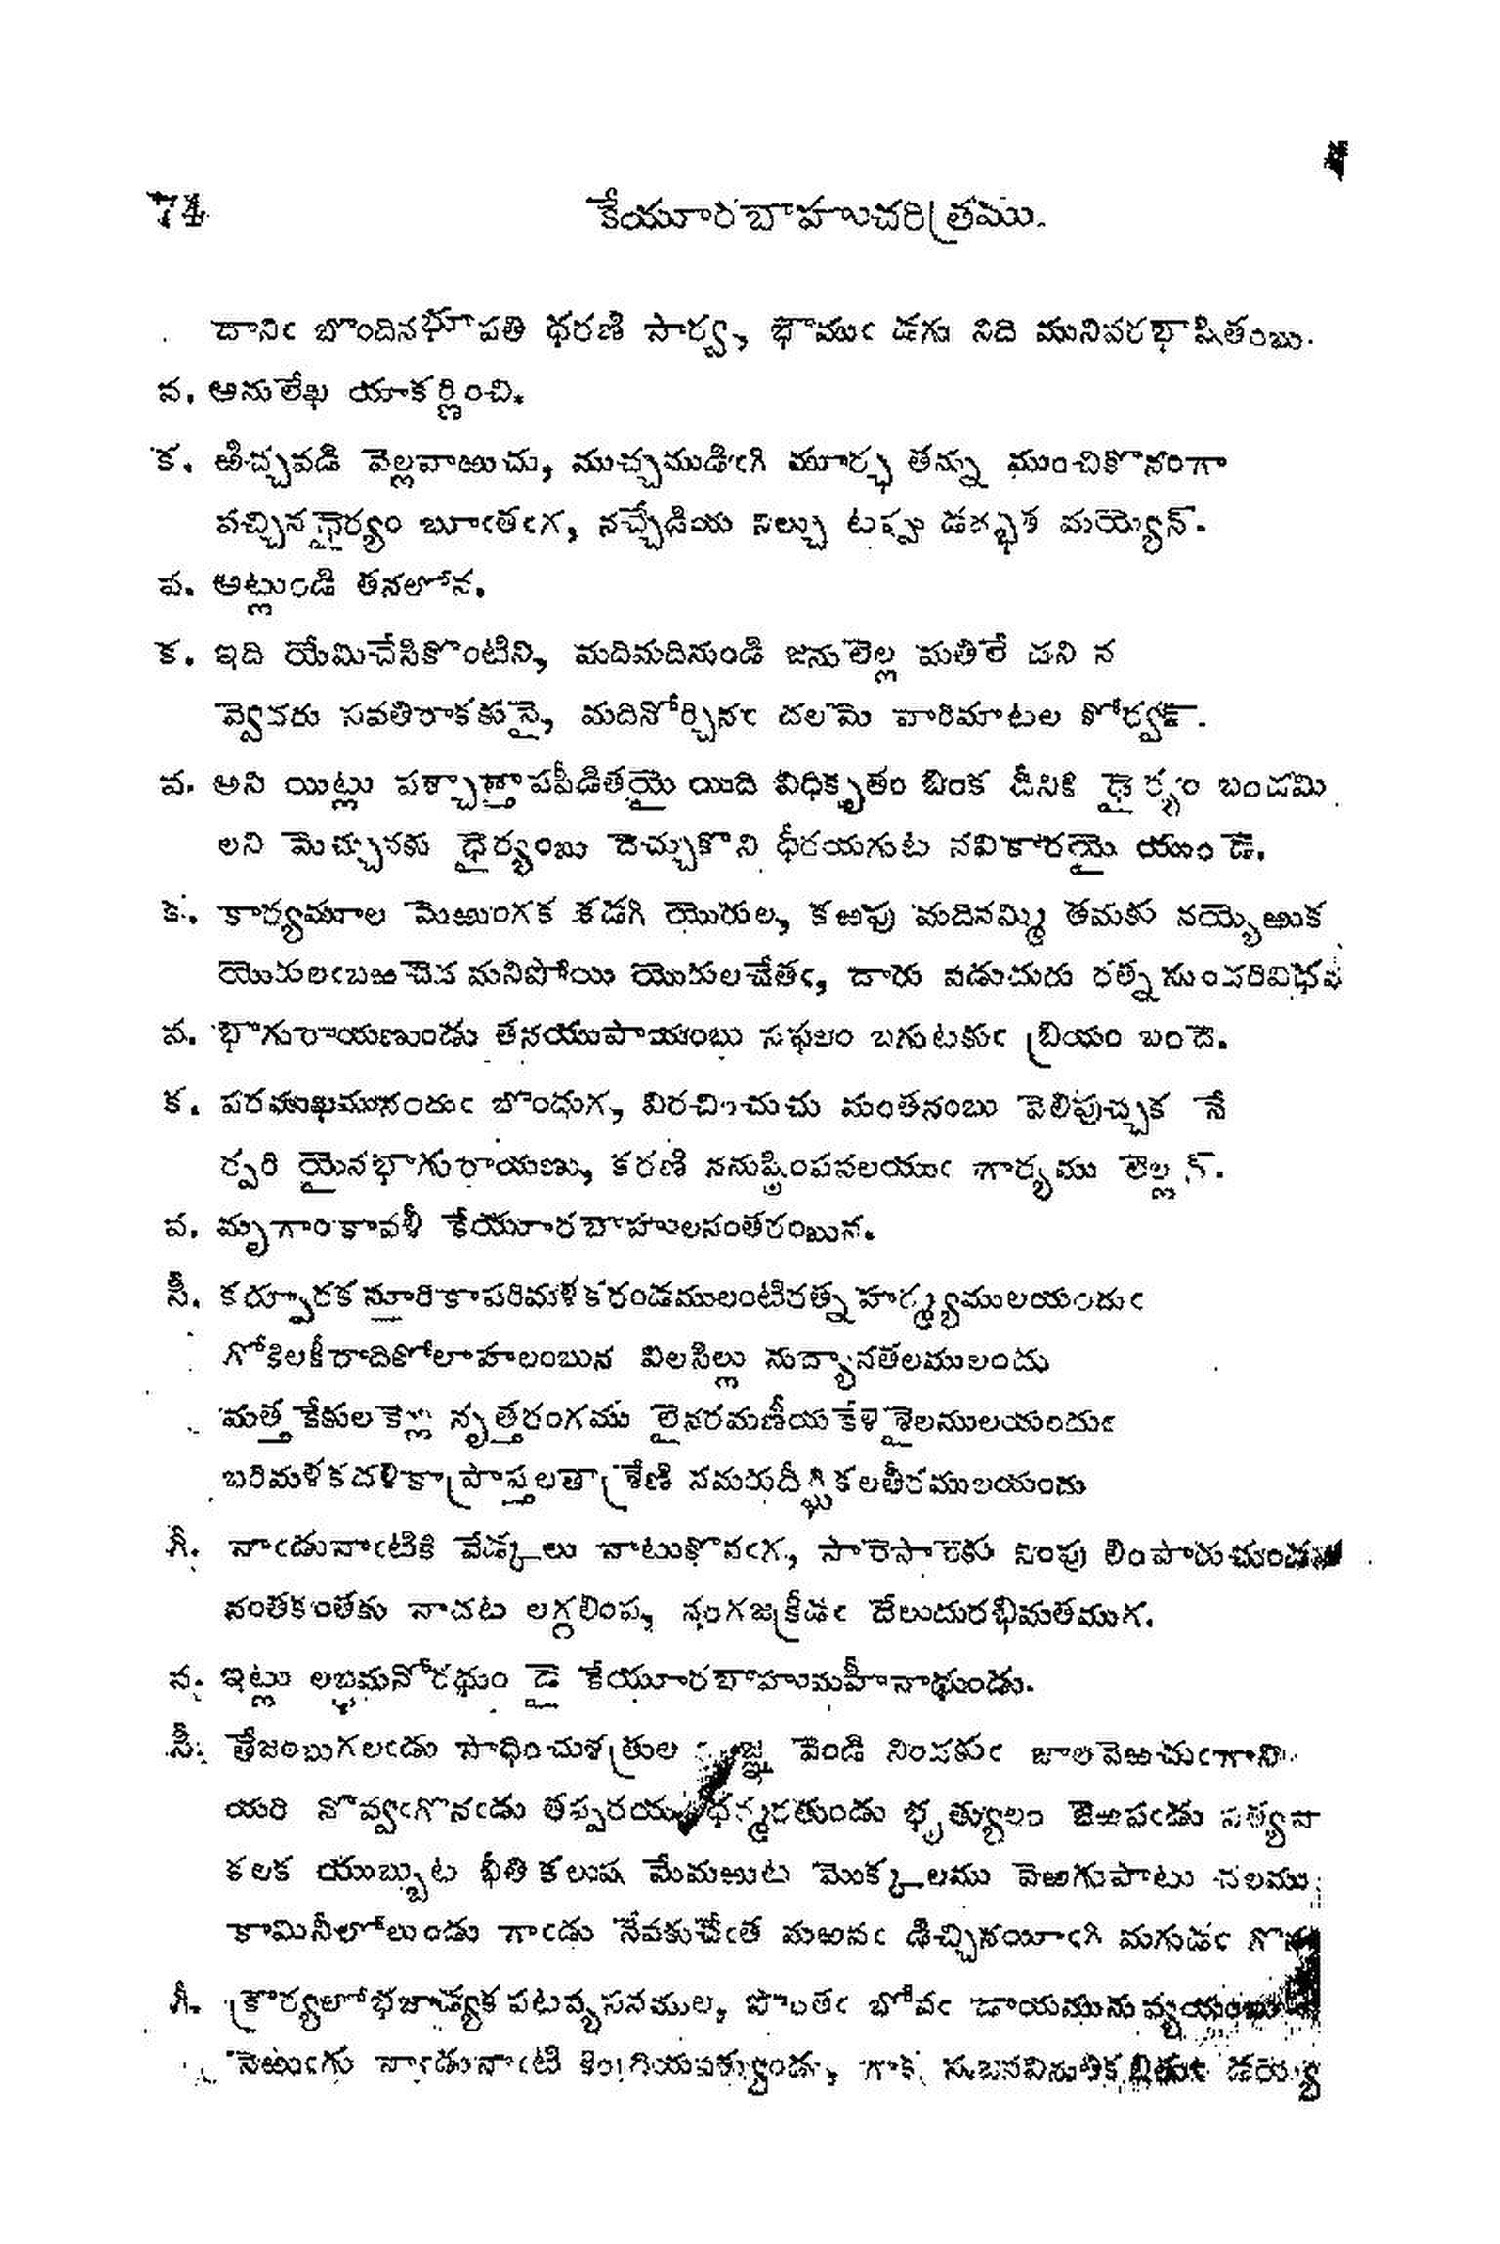దానిఁ బొందిన భూపతి ధరణీ సార్వ, భౌముఁ డగు నిది మునివరభాషితంబు.
వ. అను లేఖ యాకర్ణించి.
క. ఱిచ్చవడి వెల్లవాఱుచు, ముచ్చముడిఁగి మూర్ఛ తన్ను ముంచికొనంగా
 వచ్చిన ధైర్యం బూఁతఁగ, నచ్చేడియ నిల్చు టప్పు డద్భుత మయ్యెన్.
వ. అట్లుండి తనలోన.
క. ఇది యేమి చేసికొంటిని, మదిమదినుండి జను లెల్ల మతిలే దని న
 వ్వెదరు సవతిరాకకునై, మదినోర్చినఁ దలమె వారీమాటల కోర్వన్.
వ. అని యిట్లు పశ్చాత్తాపపీడితయై యిది విధికృతం బింక దీనికి ధైర్యం బంచమి.
 లని మెచ్చునకు ధైర్యంబు దెచ్చుకొని ధీరయగుట నవికారయై యుండె.
క. కార్యమూల మెఱుంగక కడగి యొరుల, కఱపు మదినమ్మి తమకు నయ్యెఱుక
 యొరులఁ బఱచెద మనిపోయి యొరులచేతఁ, దారు వడుదురు రత్నసుందరివిధాన.
వ. భాగురాయణుండు తనయుపాయంబు సఫలం బగుటకుఁ బ్రియం బందె.
క. పరసుఖమునందుఁ బొందుగ, విరచించుచు మంతనంబు వెలిపుచ్చక నే
 ర్పరి యైన భాగురాయణు, కరణి ననుష్టింపవలయుఁ గార్యము లెల్లన్.
వ. మృగాంకావళీ కేయూరబాహు లనంతరంబున.
సీ. కర్పూరకస్తూరికాపరిమళకరండము లంటిరత్నహర్మ్యములయందుఁ
 గోకిలకీరాదికోలాహలంబున విలసిల్లు నుద్యానతలములందు
 మత్తకేకులకెల్ల నృత్తరంగము లైనరమణీయకేళిశైలములయందుఁ
 బరిమళకదళికాప్రాప్తిలతాశ్రేణి నమరుదీర్ఘికలతీరములయందు
గీ. నాఁడునాఁటికి వేడ్కలు నాటుకొనఁగ, సారెసారెకు నింపు లింపారుచుండ
 నంతకంతకు నాచట లగ్గలింప, నంగజక్రీడఁ దేలుదు రభిమతముగ.
వ. ఇట్లు లబ్ధమనోరథుం డై కేయూరబాహుమహీనాథుండు.
సీ. తేజంబు గలఁడు సాధించు శత్రుల ప్రజ్ఞ వెండి నిందకుఁ జాల వెఱచుఁగాని
 యరి నొవ్వఁగొనఁడు తప్పరయు ధర్మరతుండు భృత్యులం జెఱపఁడు సత్యవా
 కలక యుబ్బుట భీతి కలుష మేమఱుట మొక్కలము వెఱగుపాటు చలము
 కామినీలోలుండు గాఁడు సేవకుచేఁత మఱవఁ డిచ్చినయీఁగి మగుడఁ గొనఁడు
గీ. క్రౌర్యలోభజాడ్యకపటవ్యసనముల, పొంతఁ బోవఁ డాయమును వ్యయంబు
 నెఱుఁగు నాఁడునాఁటి కింద్రియవర్యుండు, గాక సుజనవినుతికలితుఁ డయ్యె.